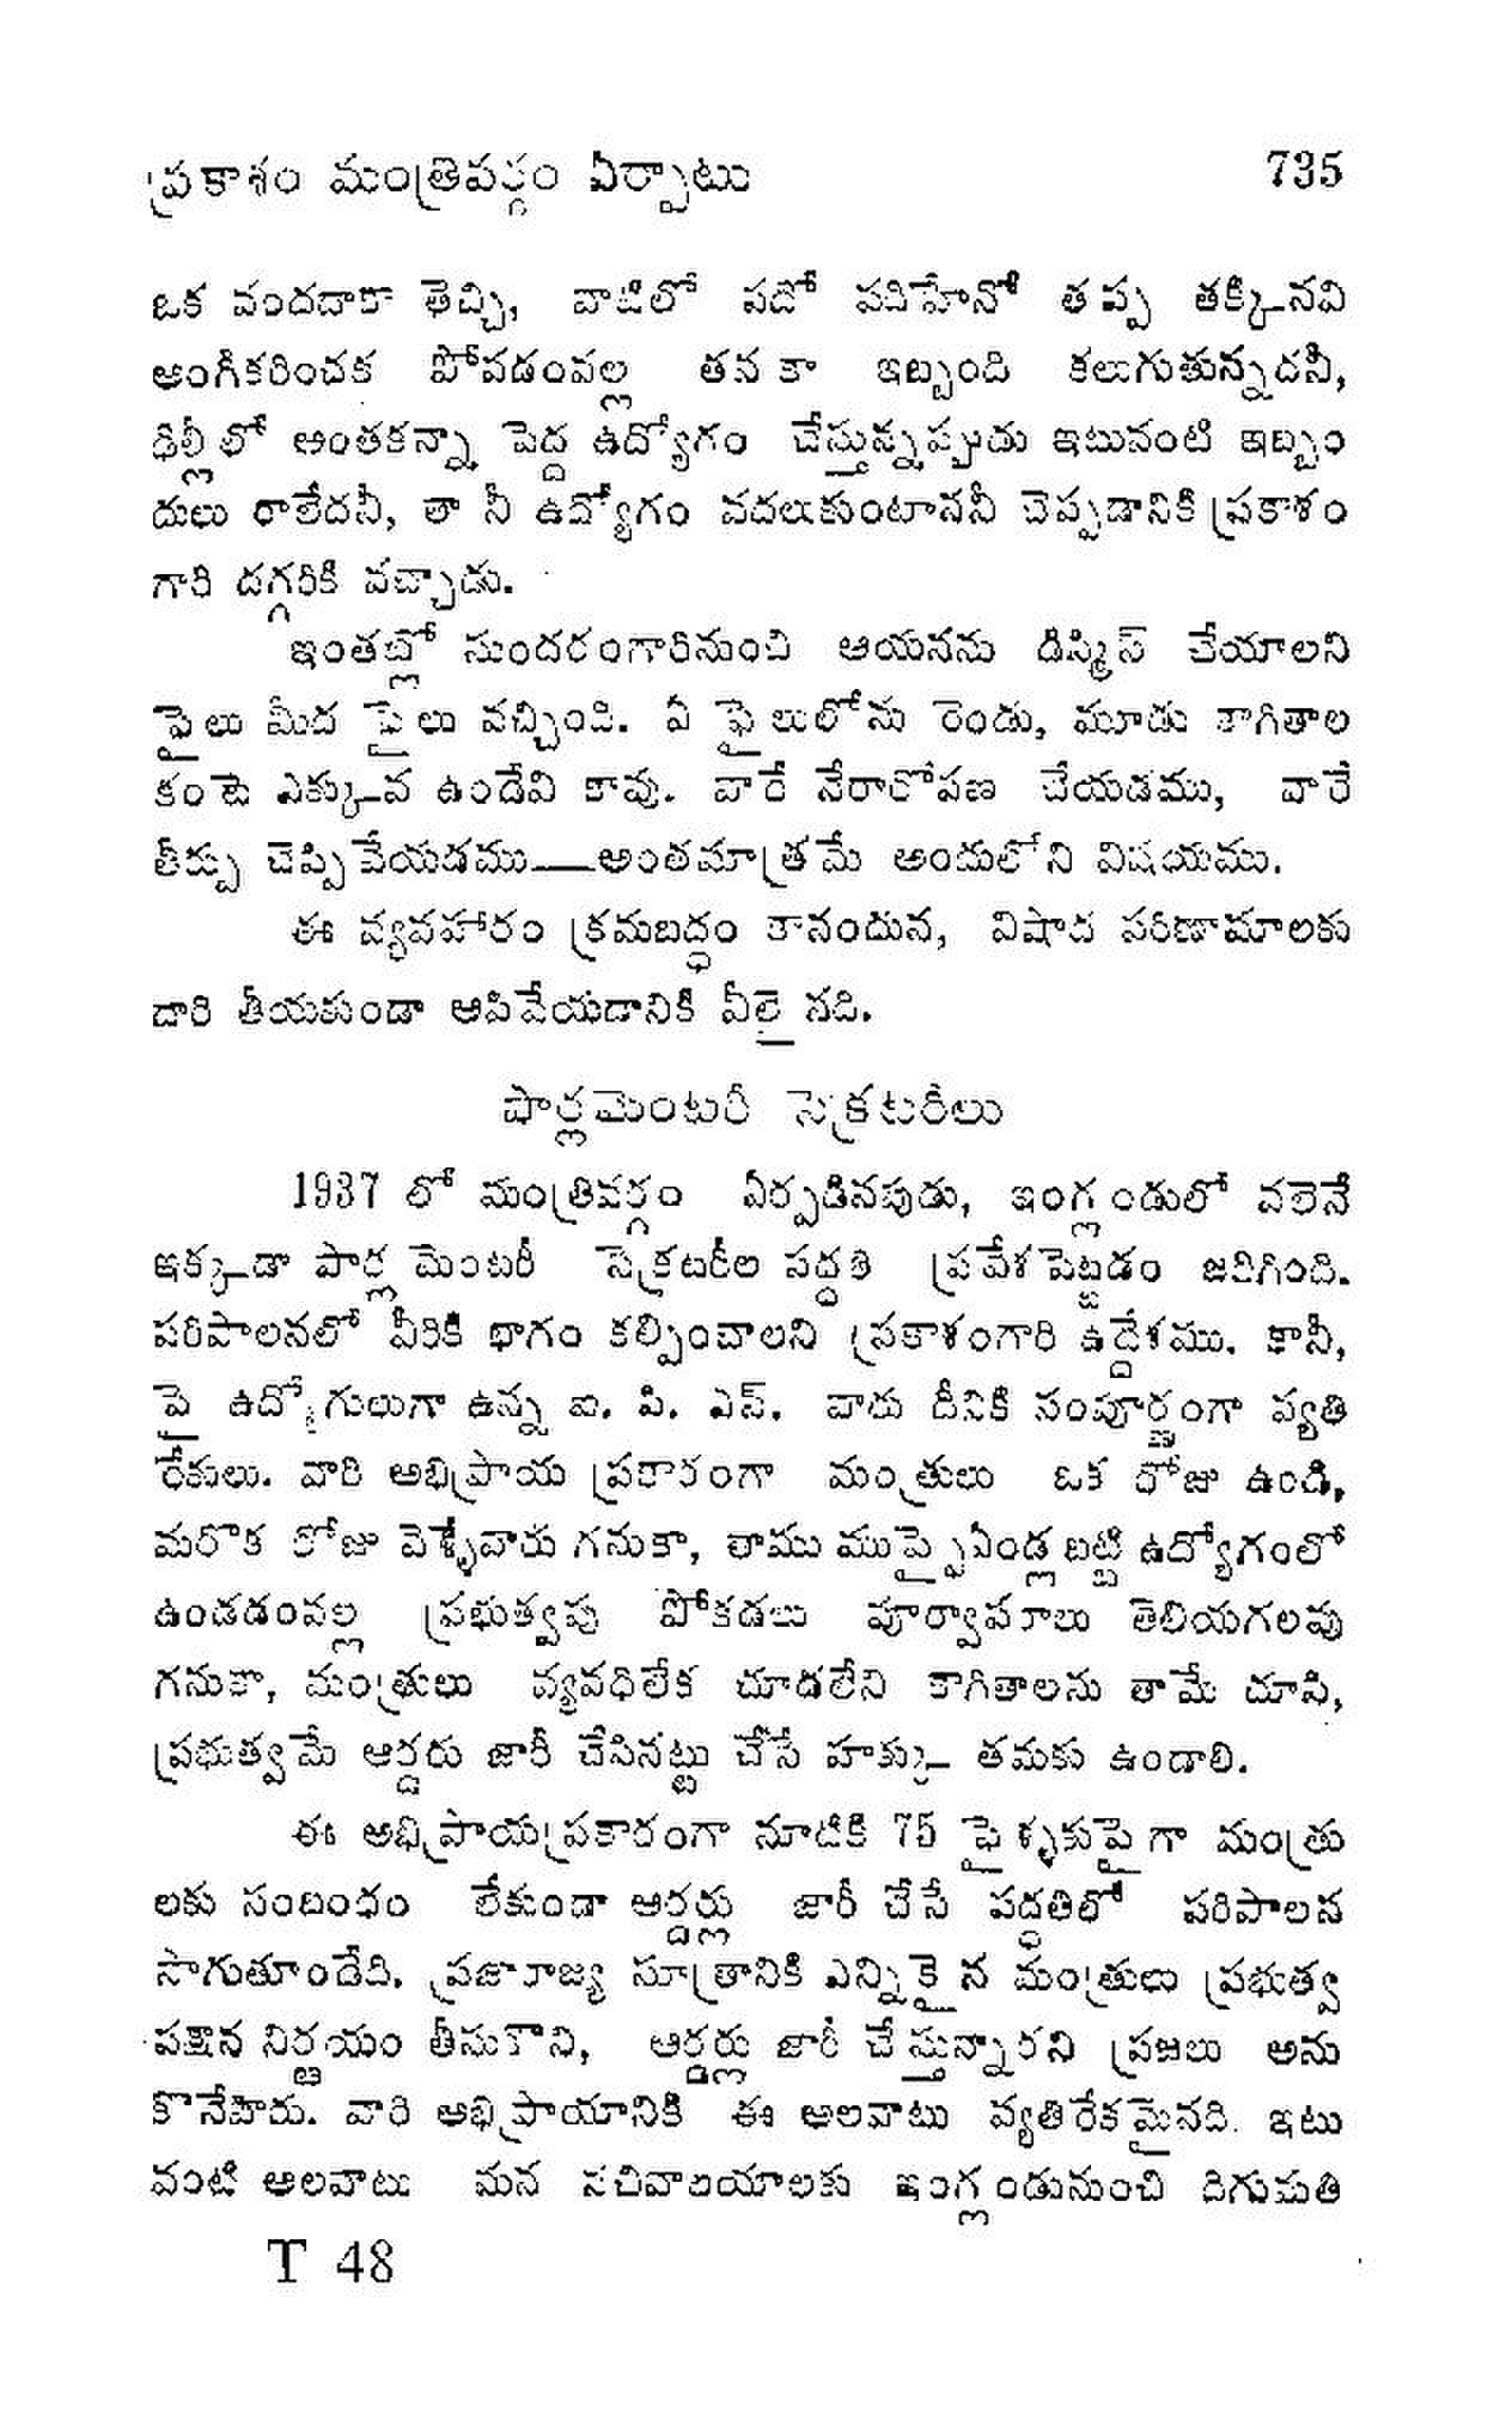ఒక వందదాకా తెచ్చి, వాటిలో పదో పదిహేనో తప్ప తక్కినవి అంగీకరించక పోవడంవల్ల తనకా ఇబ్బంది కలుగుతున్నదనీ, ఢిల్లీలో అంతకన్నా పెద్ద ఉద్యోగం చేస్తున్నప్పుడు ఇటువంటి ఇబ్బందులు రాలేదనీ, తా నీ ఉద్యోగం వదలుకుంటాననీ చెప్పడానికి ప్రకాశంగారి దగ్గరికి వచ్చాడు.

ఇంతట్లో సుందరంగారినుంచి ఆయనను డిస్మిస్ చేయాలని ఫైలు మీద ఫైలు వచ్చింది. ఏ ఫైలులోను రెండు, మూడు కాగితాల కంటె ఎక్కువ ఉండేవి కావు. వారే నేరారోపణ చేయడము, వారే తీర్పు చెప్పివేయడము - అంతమాత్రమే అందులోని విషయము.

ఈ వ్యవహారం క్రమబద్ధం కానందున, విషాద పరిణామాలకు దారి తీయకుండా ఆపివేయడానికి వీలైనది.

1937 లో మంత్రివర్గం ఏర్పడినపుడు, ఇంగ్లండులో వలెనే ఇక్కడా పార్లమెంటరీ సెక్రటరీల పద్ధతి ప్రవేశపెట్టడం జరిగింది. పరిపాలనలో వీరికి భాగం కల్పించాలని ప్రకాశంగారి ఉద్దేశము. కానీ, పై ఉద్యోగులుగా ఉన్న ఐ.సి.ఎస్. వారు దీనికి సంపూర్ణంగా వ్యతిరేకులు. వారి అభిప్రాయ ప్రకారంగా మంత్రులు ఒక రోజు ఉండి, మరొక రోజు వెళ్ళేవారు గనుకా, తాము ముప్పైఏండ్ల బట్టి ఉద్యోగంలో ఉండడంవల్ల ప్రభుత్వపు పోకడలు పూర్వాపరాలు తెలియగలవు గనుకా, మంత్రులు వ్యవధిలేక చూడలెని కాగితాలను తామే చూసి, ప్రభుత్వమే ఆర్డరు జారీ చేసినట్టు చేసే హక్కు తమకు ఉండాలి.

ఈ అభిప్రాయ ప్రకారంగా నూటికి 75 ఫైళ్ళకుపైగా మంత్రులకు సంబంధం లేకుండా ఆర్డర్లు జారీ చేసే పద్ధతిలో పరిపాలన సాగుతూండేది. ప్రజారాజ్య సూత్రానికి ఎన్నికైన మంత్రులు ప్రభుత్వ పక్షాన నిర్ణయం తీసుకొని, ఆర్డర్లు జారీ చేస్తున్నారని ప్రజలు అనుకొనేవారు. వారి అభిప్రాయానికి ఈ అలవాటు వ్యతిరేకమైనది ఇటువంటి అలవాటు మన సచివాలయాలకు ఇంగ్లండునుంచి దిగుమతి